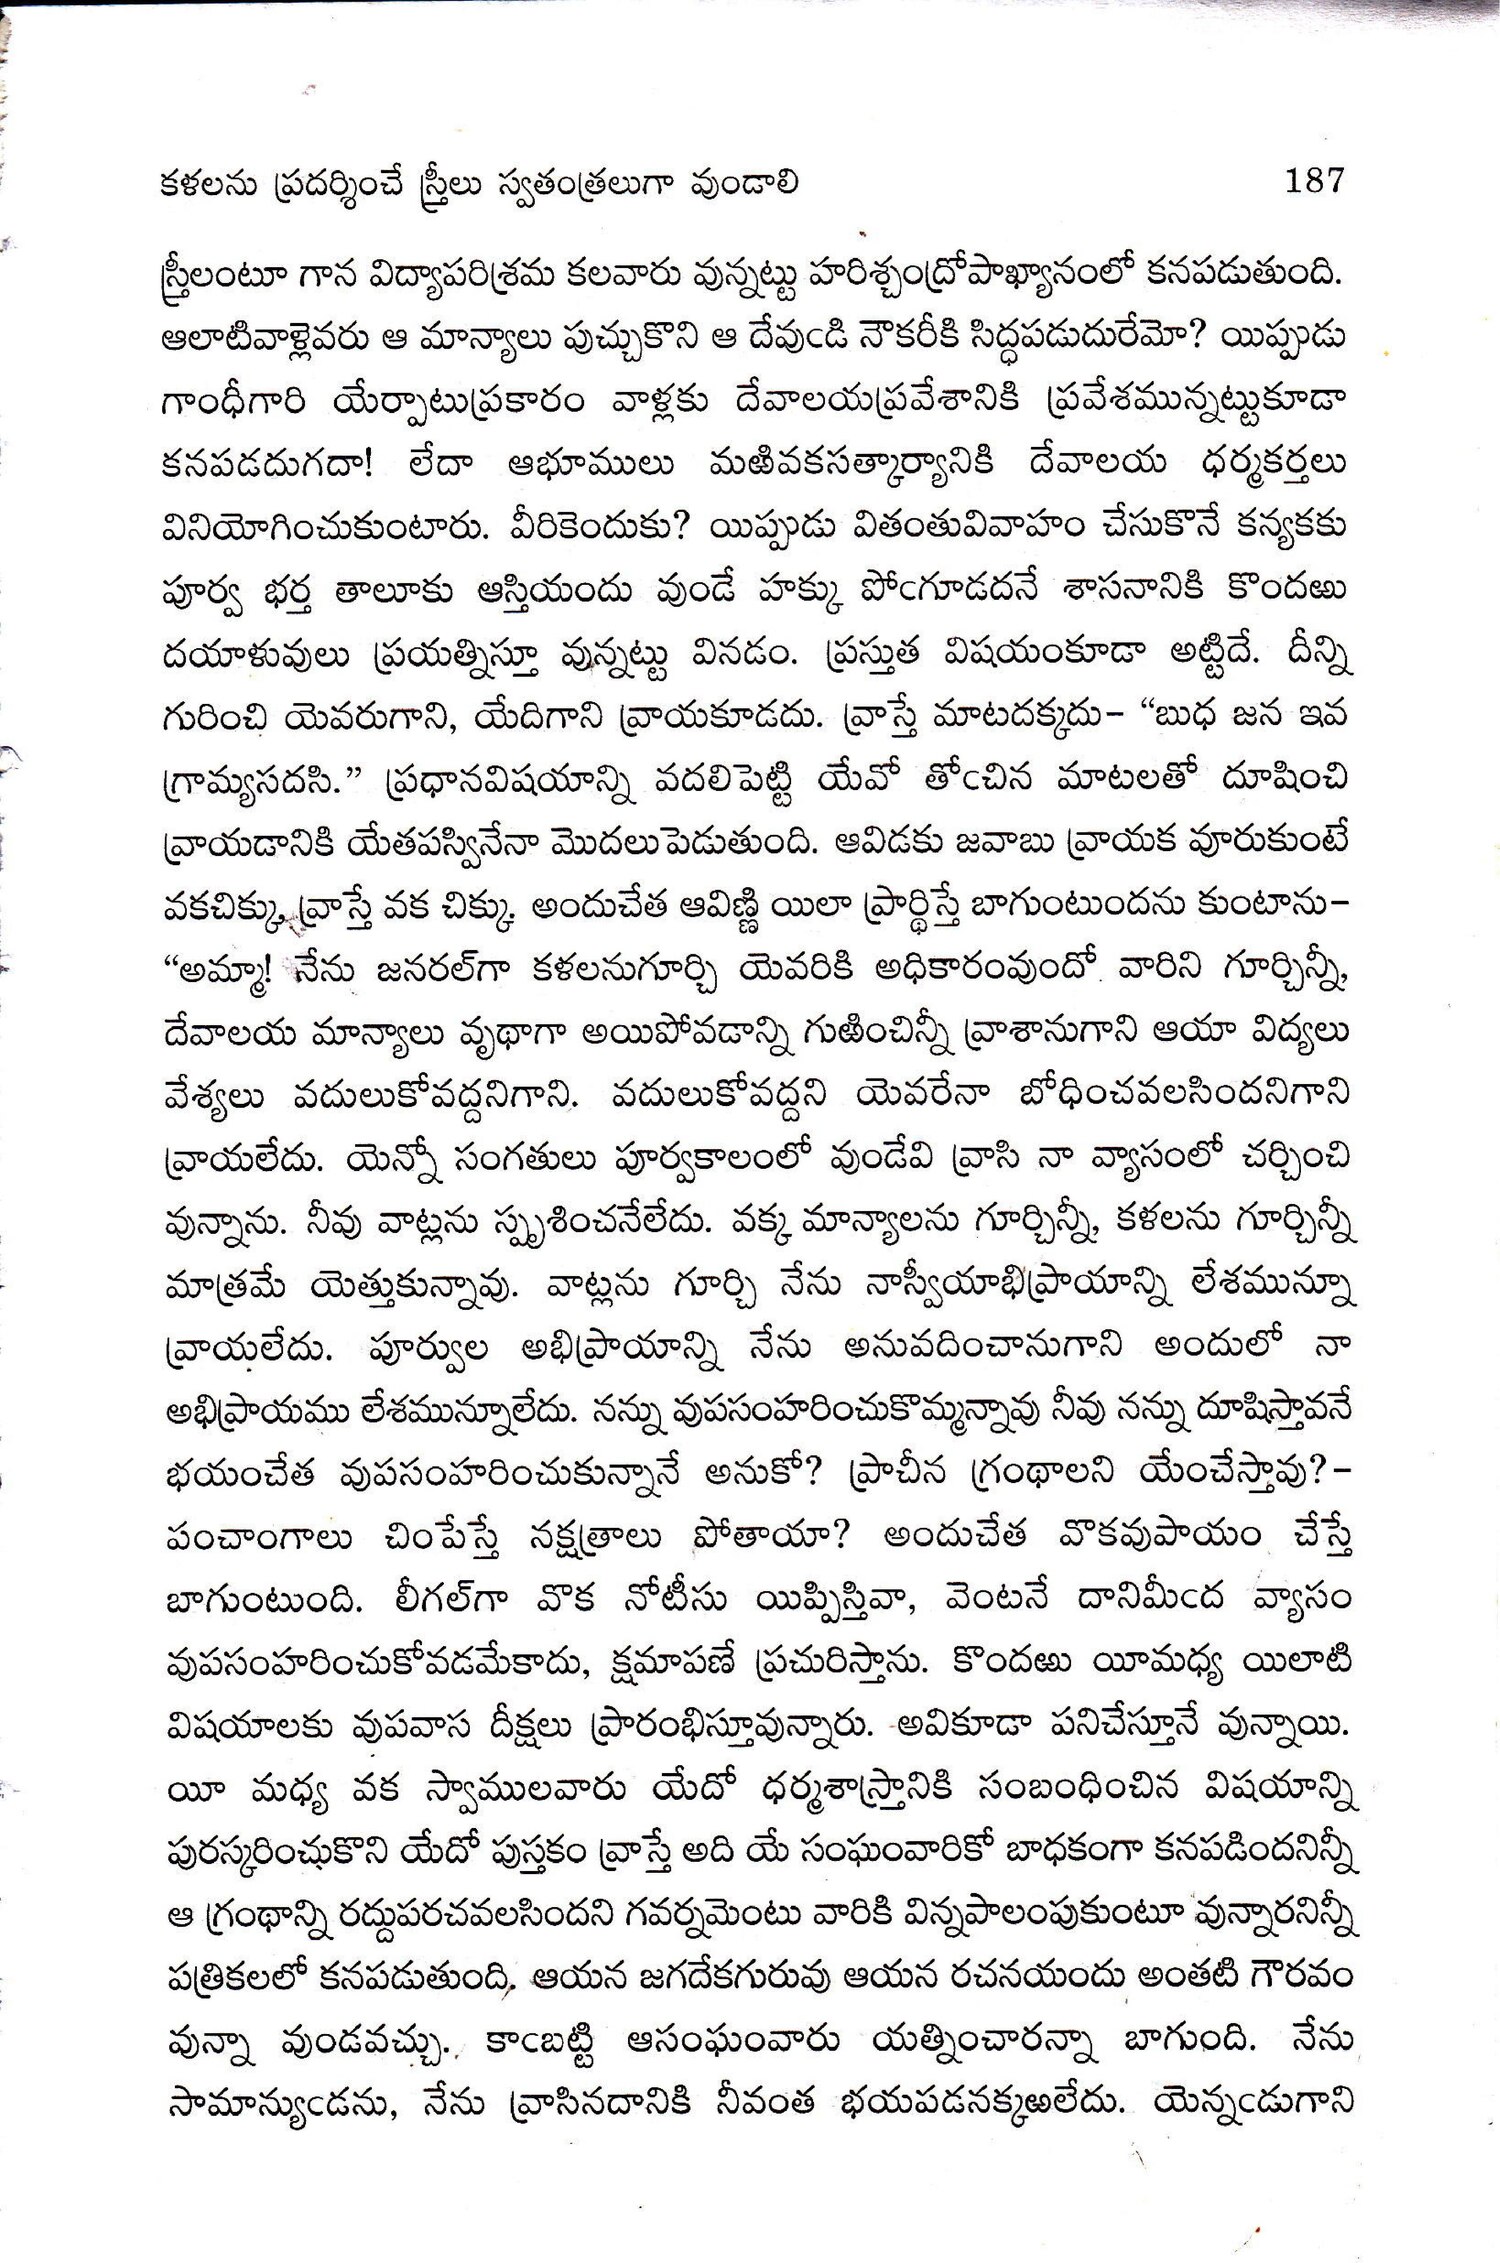స్త్రీలంటూ గాన విద్యాపరిశ్రమ కలవారు వున్నట్టు హరిశ్చంద్రోపాఖ్యానంలో కనపడుతుంది. ఆలాటివాళ్లేవరు ఆ మాన్యాలు పుచ్చుకొని ఆ దేవుఁడి నౌకరీకి సిద్ధపడుదురేమో? యిప్పుడు గాంధీగారి యేర్పాటుప్రకారం వాళ్లకు దేవాలయప్రవేశానికి ప్రవేశమున్నట్టుకూడా కనపడదుగదా! లేదా ఆభూములు మఱివకసత్కార్యానికి దేవాలయ ధర్మకర్తలు వినియోగించుకుంటారు. వీరికెందుకు? యిప్పుడు వితంతువివాహం చేసుకొనే కన్యకకు పూర్వ భర్త తాలూకు ఆస్తియందు వుండే హక్కు పోcగూడదనే శాసనానికి కొందఱు దయాళువులు ప్రయత్నిస్తూ వున్నట్టు వినడం. ప్రస్తుత విషయంకూడా అట్టిదే. దీన్ని గురించి యెవరుగాని, యేదిగాని వ్రాయకూడదు. వ్రాస్తే మాటదక్కదు– “బుధ జన ఇవ గ్రామ్యసదసి." ప్రధానవిషయాన్ని వదలిపెట్టి యేవో తోఁచిన మాటలతో దూషించి వ్రాయడానికి యేతపస్వినేనా మొదలుపెడుతుంది. ఆవిడకు జవాబు వ్రాయక వూరుకుంటే వకచిక్కువ్రాస్తే వక చిక్కు అందుచేత ఆవిణ్ణి యిలా ప్రార్ధిస్తే బాగుంటుందను కుంటాను- “అమ్మా! నేను జనరల్‌గా కళలనుగూర్చి యెవరికి అధికారంవుందో వారిని గూర్చిన్నీ దేవాలయ మాన్యాలు వృథాగా అయిపోవడాన్ని గుఱించిన్నీ వ్రాశానుగాని ఆయా విద్యలు వేశ్యలు వదులుకోవద్దనిగాని. వదులుకోవద్దని యెవరేనా బోధించవలసిందనిగాని వ్రాయలేదు. యెన్నో సంగతులు పూర్వకాలంలో వుండేవి వ్రాసి నా వ్యాసంలో చర్చించి వున్నాను. నీవు వాట్లను స్పృశించనేలేదు. వక్క మాన్యాలను గూర్చిన్నీ, కళలను గూర్చిన్నీ మాత్రమే యెత్తుకున్నావు. వాట్లను గూర్చి నేను నాస్వీయాభిప్రాయాన్ని లేశమున్నూ వ్రాయలేదు. పూర్వుల అభిప్రాయాన్ని నేను అనువదించానుగాని అందులో నా అభిప్రాయము లేశమున్నూలేదు. నన్ను వుపసంహరించుకొమ్మన్నావు నీవు నన్ను దూషిస్తావనే భయంచేత వుపసంహరించుకున్నానే అనుకో? ప్రాచీన గ్రంథాలని యేంచేస్తావు?పంచాంగాలు చింపేస్తే నక్షత్రాలు పోతాయా? అందుచేత వొకవుపాయం చేస్తే బాగుంటుంది. లీగల్‌గా వొక నోటీసు యిప్పిస్తివా, వెంటనే దానిమీఁద వ్యాసం వుపసంహరించుకోవడమేకాదు, క్షమాపణే ప్రచురిస్తాను. కొందఱు యీమధ్య యిలాటి విషయాలకు వుపవాస దీక్షలు ప్రారంభిస్తూవున్నారు. అవికూడా పనిచేస్తూనే వున్నాయి. యీ మధ్య వక స్వాములవారు యేదో ధర్మశాస్త్రానికి సంబంధించిన విషయాన్ని పురస్కరించుకొని యేదో పుస్తకం వ్రాస్తే అది యే సంఘంవారికో బాధకంగా కనపడిందనిన్నీ ఆ గ్రంథాన్ని రద్దుపరచవలసిందని గవర్నమెంటు వారికి విన్నపాలంపుకుంటూ వున్నారనిన్నీ పత్రికలలో కనపడుతుంది. ఆయన జగదేకగురువు ఆయన రచనయందు అంతటి గౌరవం వున్నా వుండవచ్చు. కాఁబట్టి ఆసంఘంవారు యత్నించారన్నా బాగుంది. నేను సామాన్యుఁడను, నేను వ్రాసినదానికి నీవంత భయపడనక్కఱలేదు. యెన్నఁడుగాని